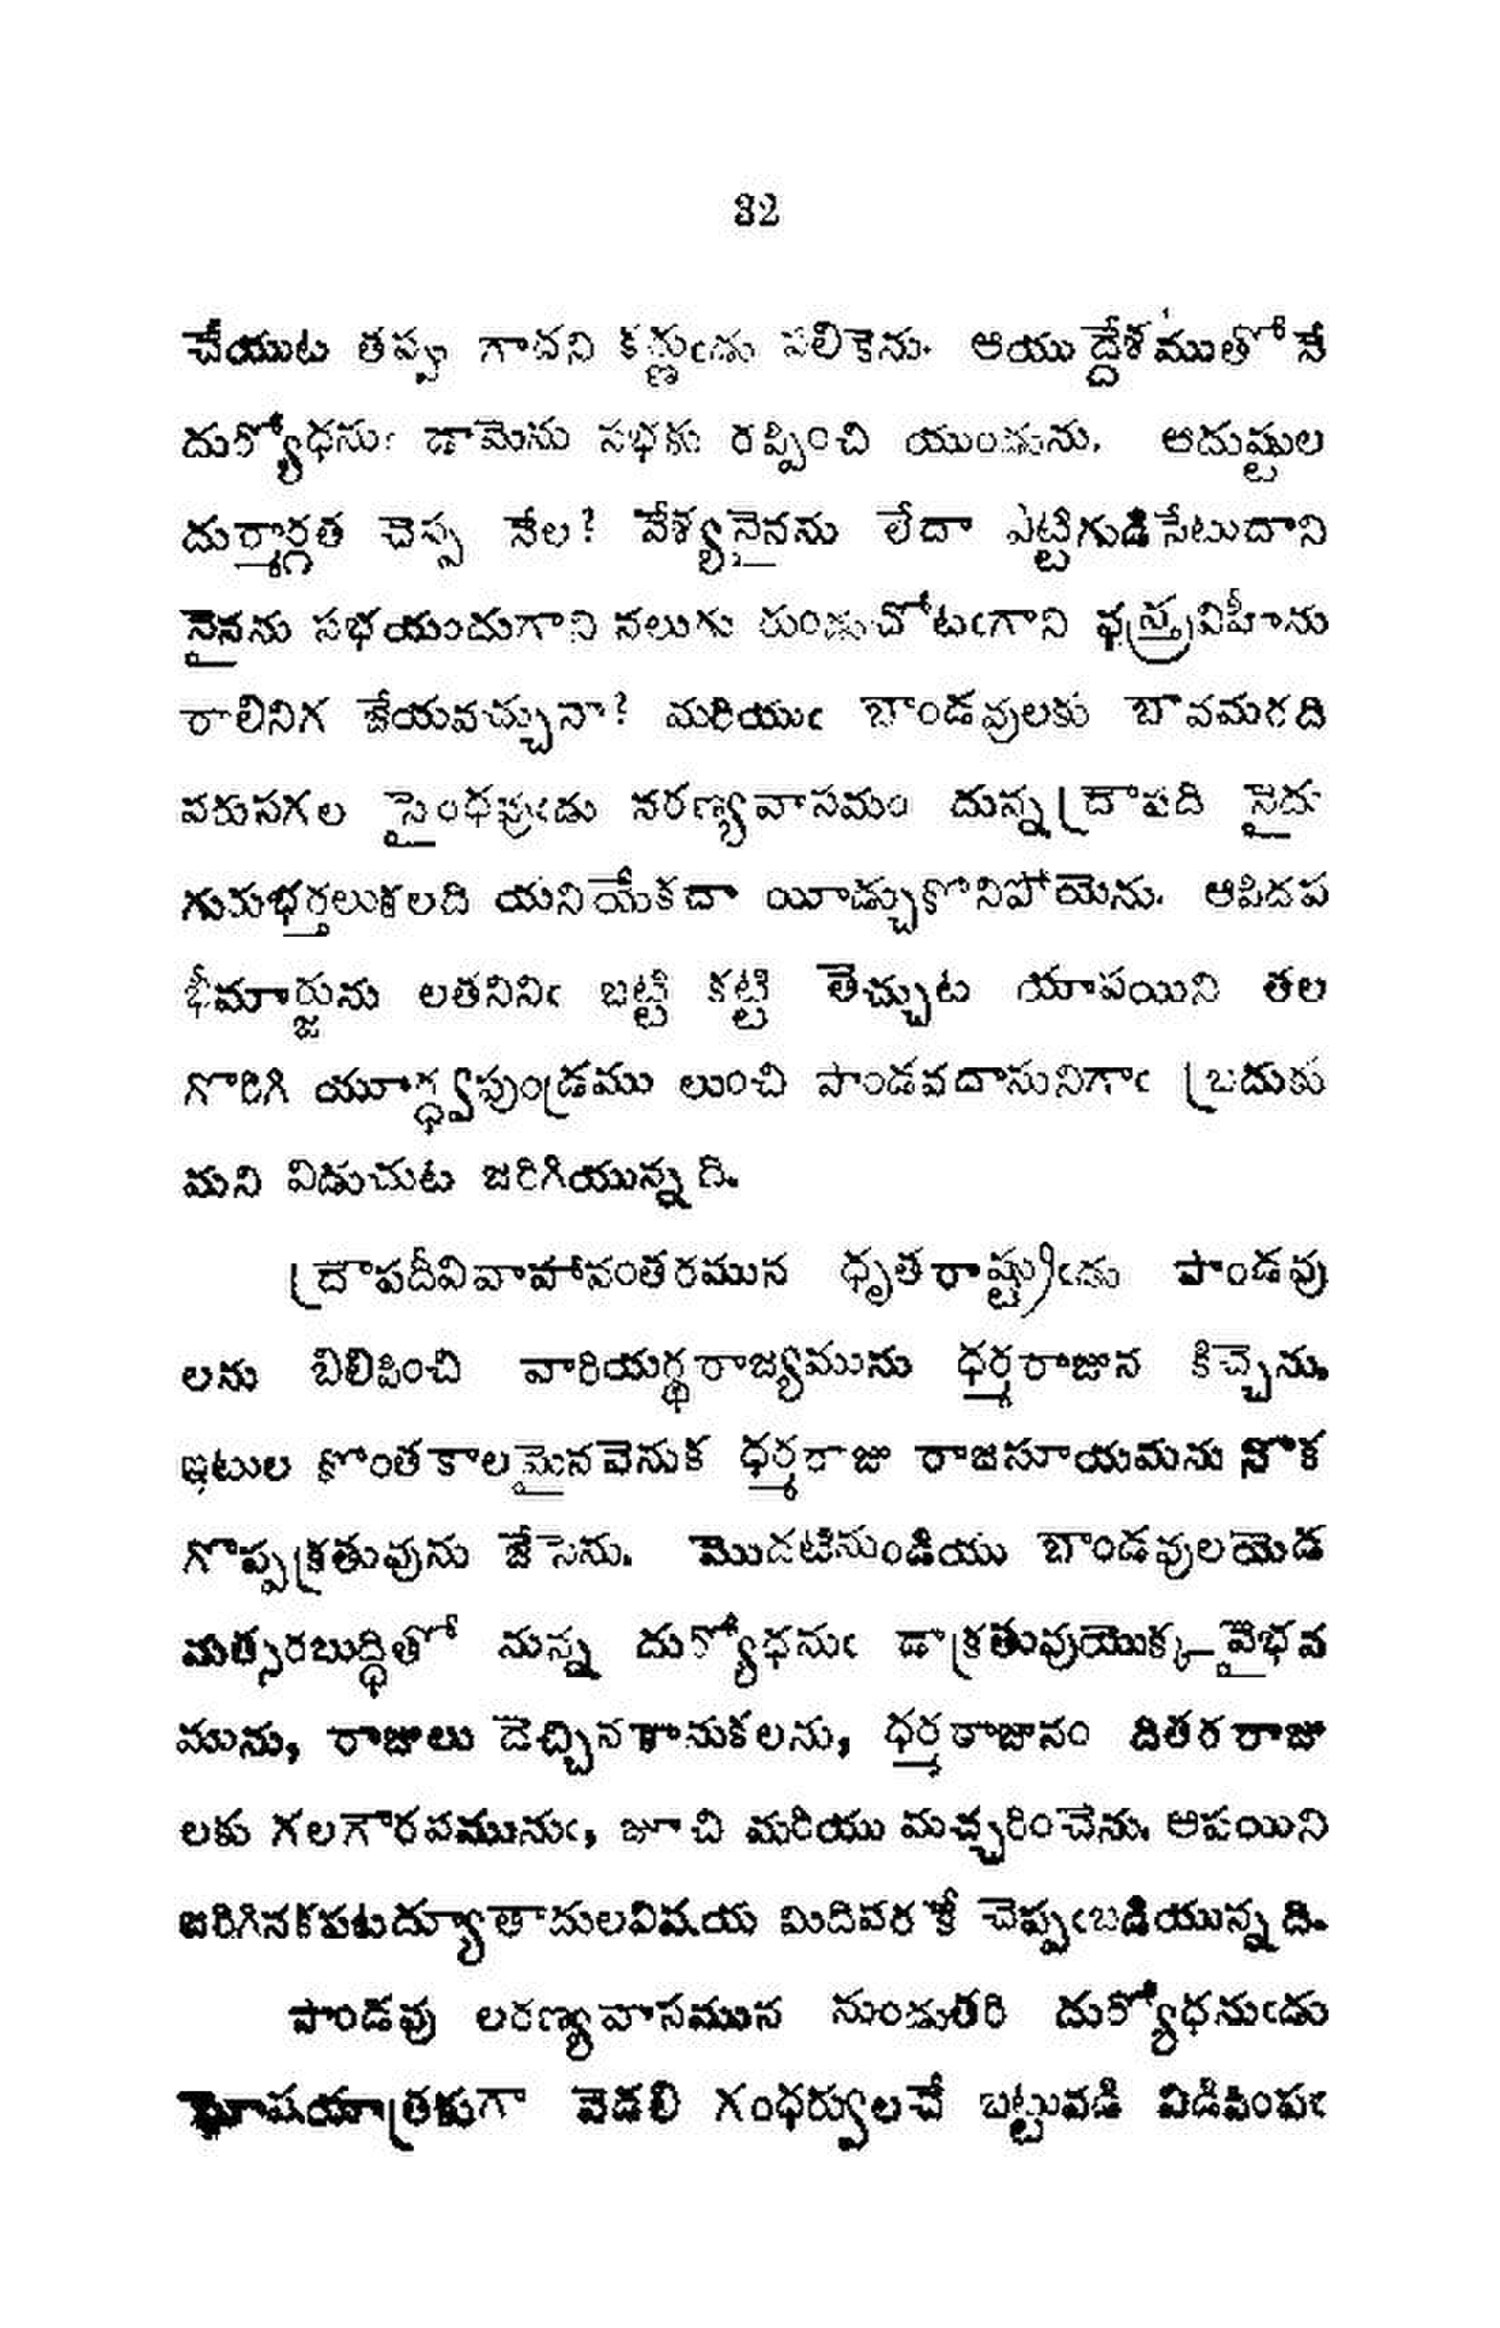చేయుట తప్పు గాదని కర్ణుఁడు పలికెను. ఆయుద్దేశముతోనే దుర్యోధనుఁ డామెను సభకు రప్పించి యుండును. ఆదుష్టుల దుర్మార్గత చెప్ప నేల ! వేశ్యనైనను లేదా ఎట్టిగుడిసేటుదానినైనను సభయందుగాని నలుగు రుండుచోటఁగాని వస్త్రవిహీను రాలినిగ చేయవచ్చునా ? మరియుఁ బాండవులకు బావమరది వరుసగల సైంధవుఁడు నరణ్యవాసమం దున్నద్రౌపది నైదుగురు భర్తలుగలది యనియేకదా యీడ్చుకొనిపోయెను. ఆపిదప భీమార్జును లతనినిఁ బట్టి కట్టి తెచ్చుట యాపయిని తల గొరిగి యూర్ధ్వపుండ్రము లుంచి పాండవదాసునిగాఁ బ్రదుకుమని విడుచుట జరిగియున్నది.

ద్రౌపదీవివాహానంతరమున ధృతరాష్ట్రుడు పాండవులను బిలిపించి వారియర్ధరాజ్యమును ధర్మరాజున కిచ్చెను. ఇటుల కొంతకాలమైనవెనుక ధర్మరాజు రాజసూయమను నొక గొప్పక్రతువును జేసెను. మొదటినుండియు బాండవులయెడ మత్సరబుద్ధితో నున్న దుర్యోధనుఁ డాక్రతువుయొక్క వైభవమును, రాజులు దెచ్చినకానుకలను, ధర్మరాజునం దితర రాజులకు గలగౌరవమునుఁ, జూచి మరియు మచ్చరించెను. ఆపయిని జరిగినకపటద్యూతాదులవిషయ మిదివరకే చెప్పఁబడియున్నది.

పాండవు లరణ్యవాసమున నుండుతరి దుర్యోధనుఁడు ఘోషయాత్రకుగా వెడలి గంధర్వులచే బట్టువడి విడిపింపఁ